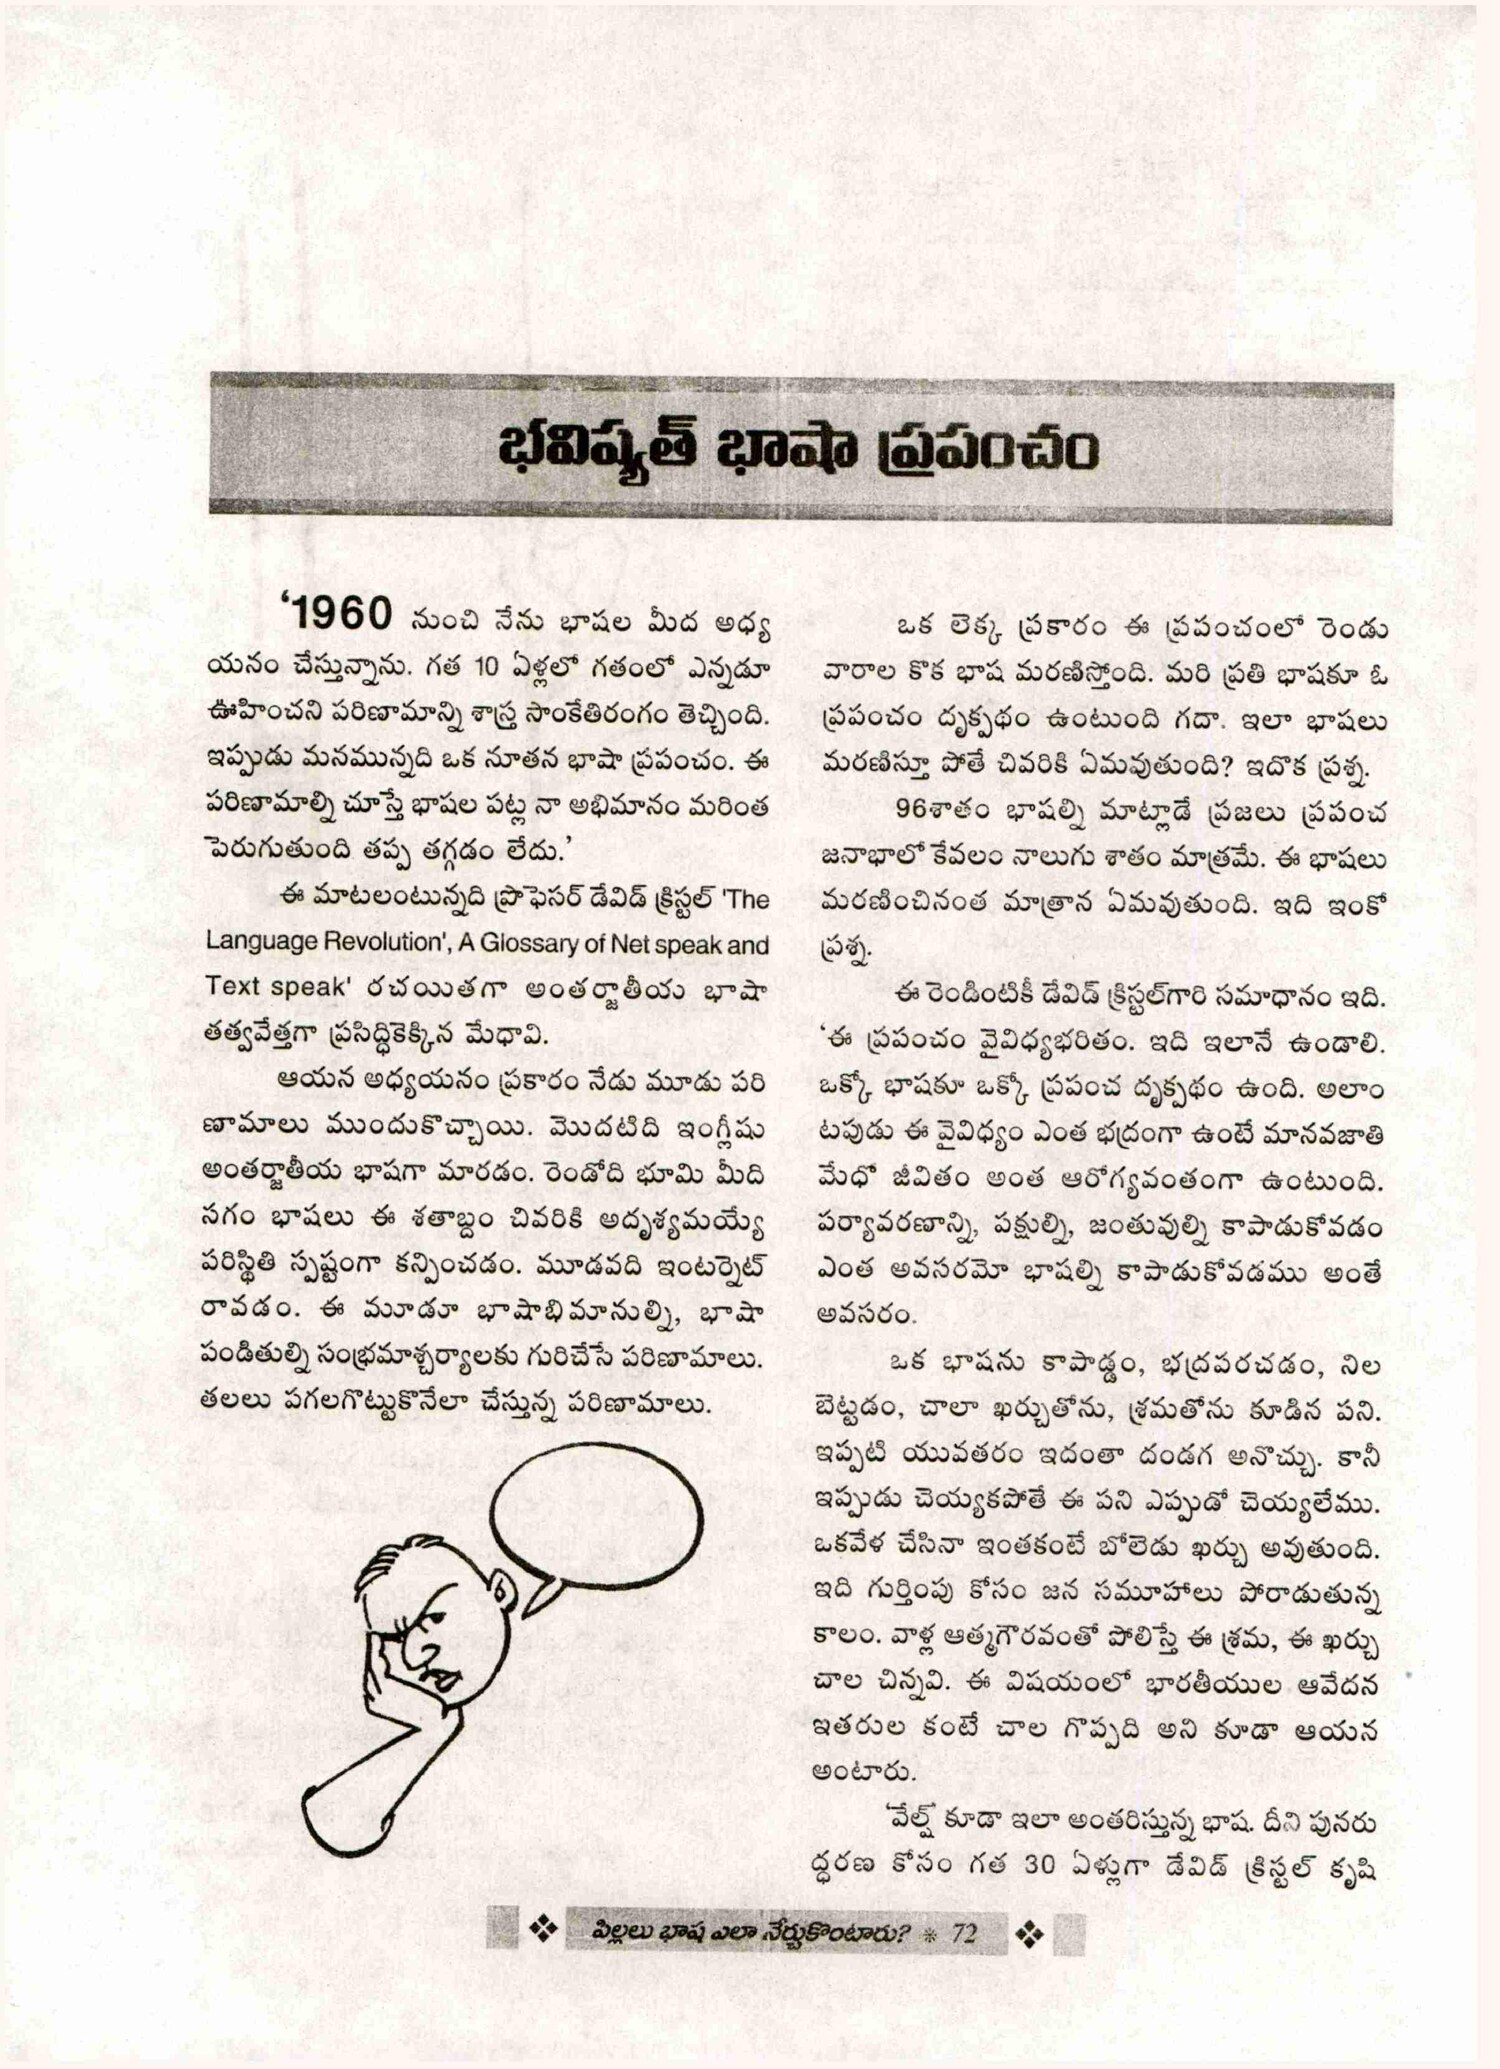భవిష్యత్ భాషా ప్రపంచం

'1960 నుంచి నేను భాషల మీద అధ్యయనం చేస్తున్నాను. గత 10 ఏళ్లలో గతంలో ఎన్నడూ ఊహించని పరిణామాన్ని శాస్త్ర సాంకేతిరంగం తెచ్చింది. ఇప్పుడు మనమున్నది ఒక నూతన భాషా ప్రపంచం. ఈ పరిణామాల్ని చూస్తే భాషల పట్ల నా అభిమానం మరింత పెరుగుతుంది తప్ప తగ్గడం లేదు.'

ఈ మాటలంటున్నది ప్రొఫెసర్ డేవిడ్ క్రిస్టల్ 'The Language Revolution', A Glossary of Net speak and Text speak' రచయితగా అంతర్జాతీయ భాషా తత్వవేత్తగా ప్రసిద్ధికెక్కిన మేధావి.

ఆయన అధ్యయనం ప్రకారం నేడు మూడు పరిణామాలు ముందుకొచ్చాయి. మొదటిది ఇంగ్లీషు అంతర్జాతీయ భాషగా మారడం. రెండోది భూమి మీది సగం భాషలు ఈ శతాబ్దం చివరికి అదృశ్యమయ్యే పరిస్థితి స్పష్టంగా కన్పించడం. మూడవది ఇంటర్నెట్ రావడం. ఈ మూడూ భాషాభిమానుల్ని, భాషా పండితుల్ని సంభ్రమాశ్చర్యాలకు గురిచేసే పరిణామాలు. తలలు పగలగొట్టుకొనేలా చేస్తున్న పరిణామాలు.

ఒక లెక్క ప్రకారం ఈ ప్రపంచంలో రెండు వారాల కొక భాష మరణిస్తోంది. మరి ప్రతి భాషకూ ఓ ప్రపంచం దృక్పథం ఉంటుంది గదా. ఇలా భాషలు మరణిస్తూ పోతే చివరికి ఏమవుతుంది? ఇదొక ప్రశ్న.

96శాతం భాషల్ని మాట్లాడే ప్రజలు ప్రపంచ జనాభాలో కేవలం నాలుగు శాతం మాత్రమే. ఈ భాషలు మరణించినంత మాత్రాన ఏమవుతుంది. ఇది ఇంకో ప్రశ్న.

ఈ రెండింటికీ డేవిడ్ క్రిస్టల్‌గారి సమాధానం ఇది. 'ఈ ప్రపంచం వైవిధ్యభరితం. ఇది ఇలానే ఉండాలి. ఒక్కో భాషకూ ఒక్కో ప్రపంచ దృక్పథం ఉంది. అలాంటపుడు ఈ వైవిధ్యం ఎంత భద్రంగా ఉంటే మానవజాతి మేధో జీవితం అంత ఆరోగ్యవంతంగా ఉంటుంది. పర్యావరణాన్ని, పక్షుల్ని, జంతువుల్ని కాపాడుకోవడం ఎంత అవసరమో భాషల్ని కాపాడుకోవడము అంతే అవసరం.

ఒక భాషను కాపాడ్డం, భద్రపరచడం, నిలబెట్టడం, చాలా ఖర్చుతోను, శ్రమతోను కూడిన పని. ఇప్పటి యువతరం ఇదంతా దండగ అనొచ్చు. కానీ ఇప్పుడు చెయ్యకపోతే ఈ పని ఎప్పుడో చెయ్యలేము. ఒకవేళ చేసినా ఇంతకంటే బోలెడు ఖర్చు అవుతుంది. ఇది గుర్తింపు కోసం జన సమూహాలు పోరాడుతున్న కాలం. వాళ్ల ఆత్మగౌరవంతో పోలిస్తే ఈ శ్రమ, ఈ ఖర్చు చాల చిన్నవి. ఈ విషయంలో భారతీయుల ఆవేదన ఇతరుల కంటే చాల గొప్పది అని కూడా ఆయన అంటారు.

'వేల్ష్ కూడా ఇలా అంతరిస్తున్న భాష. దీని పునరుద్ధరణ కోసం గత 30 ఏళ్లుగా డేవిడ్ క్రిస్టల్ కృషి